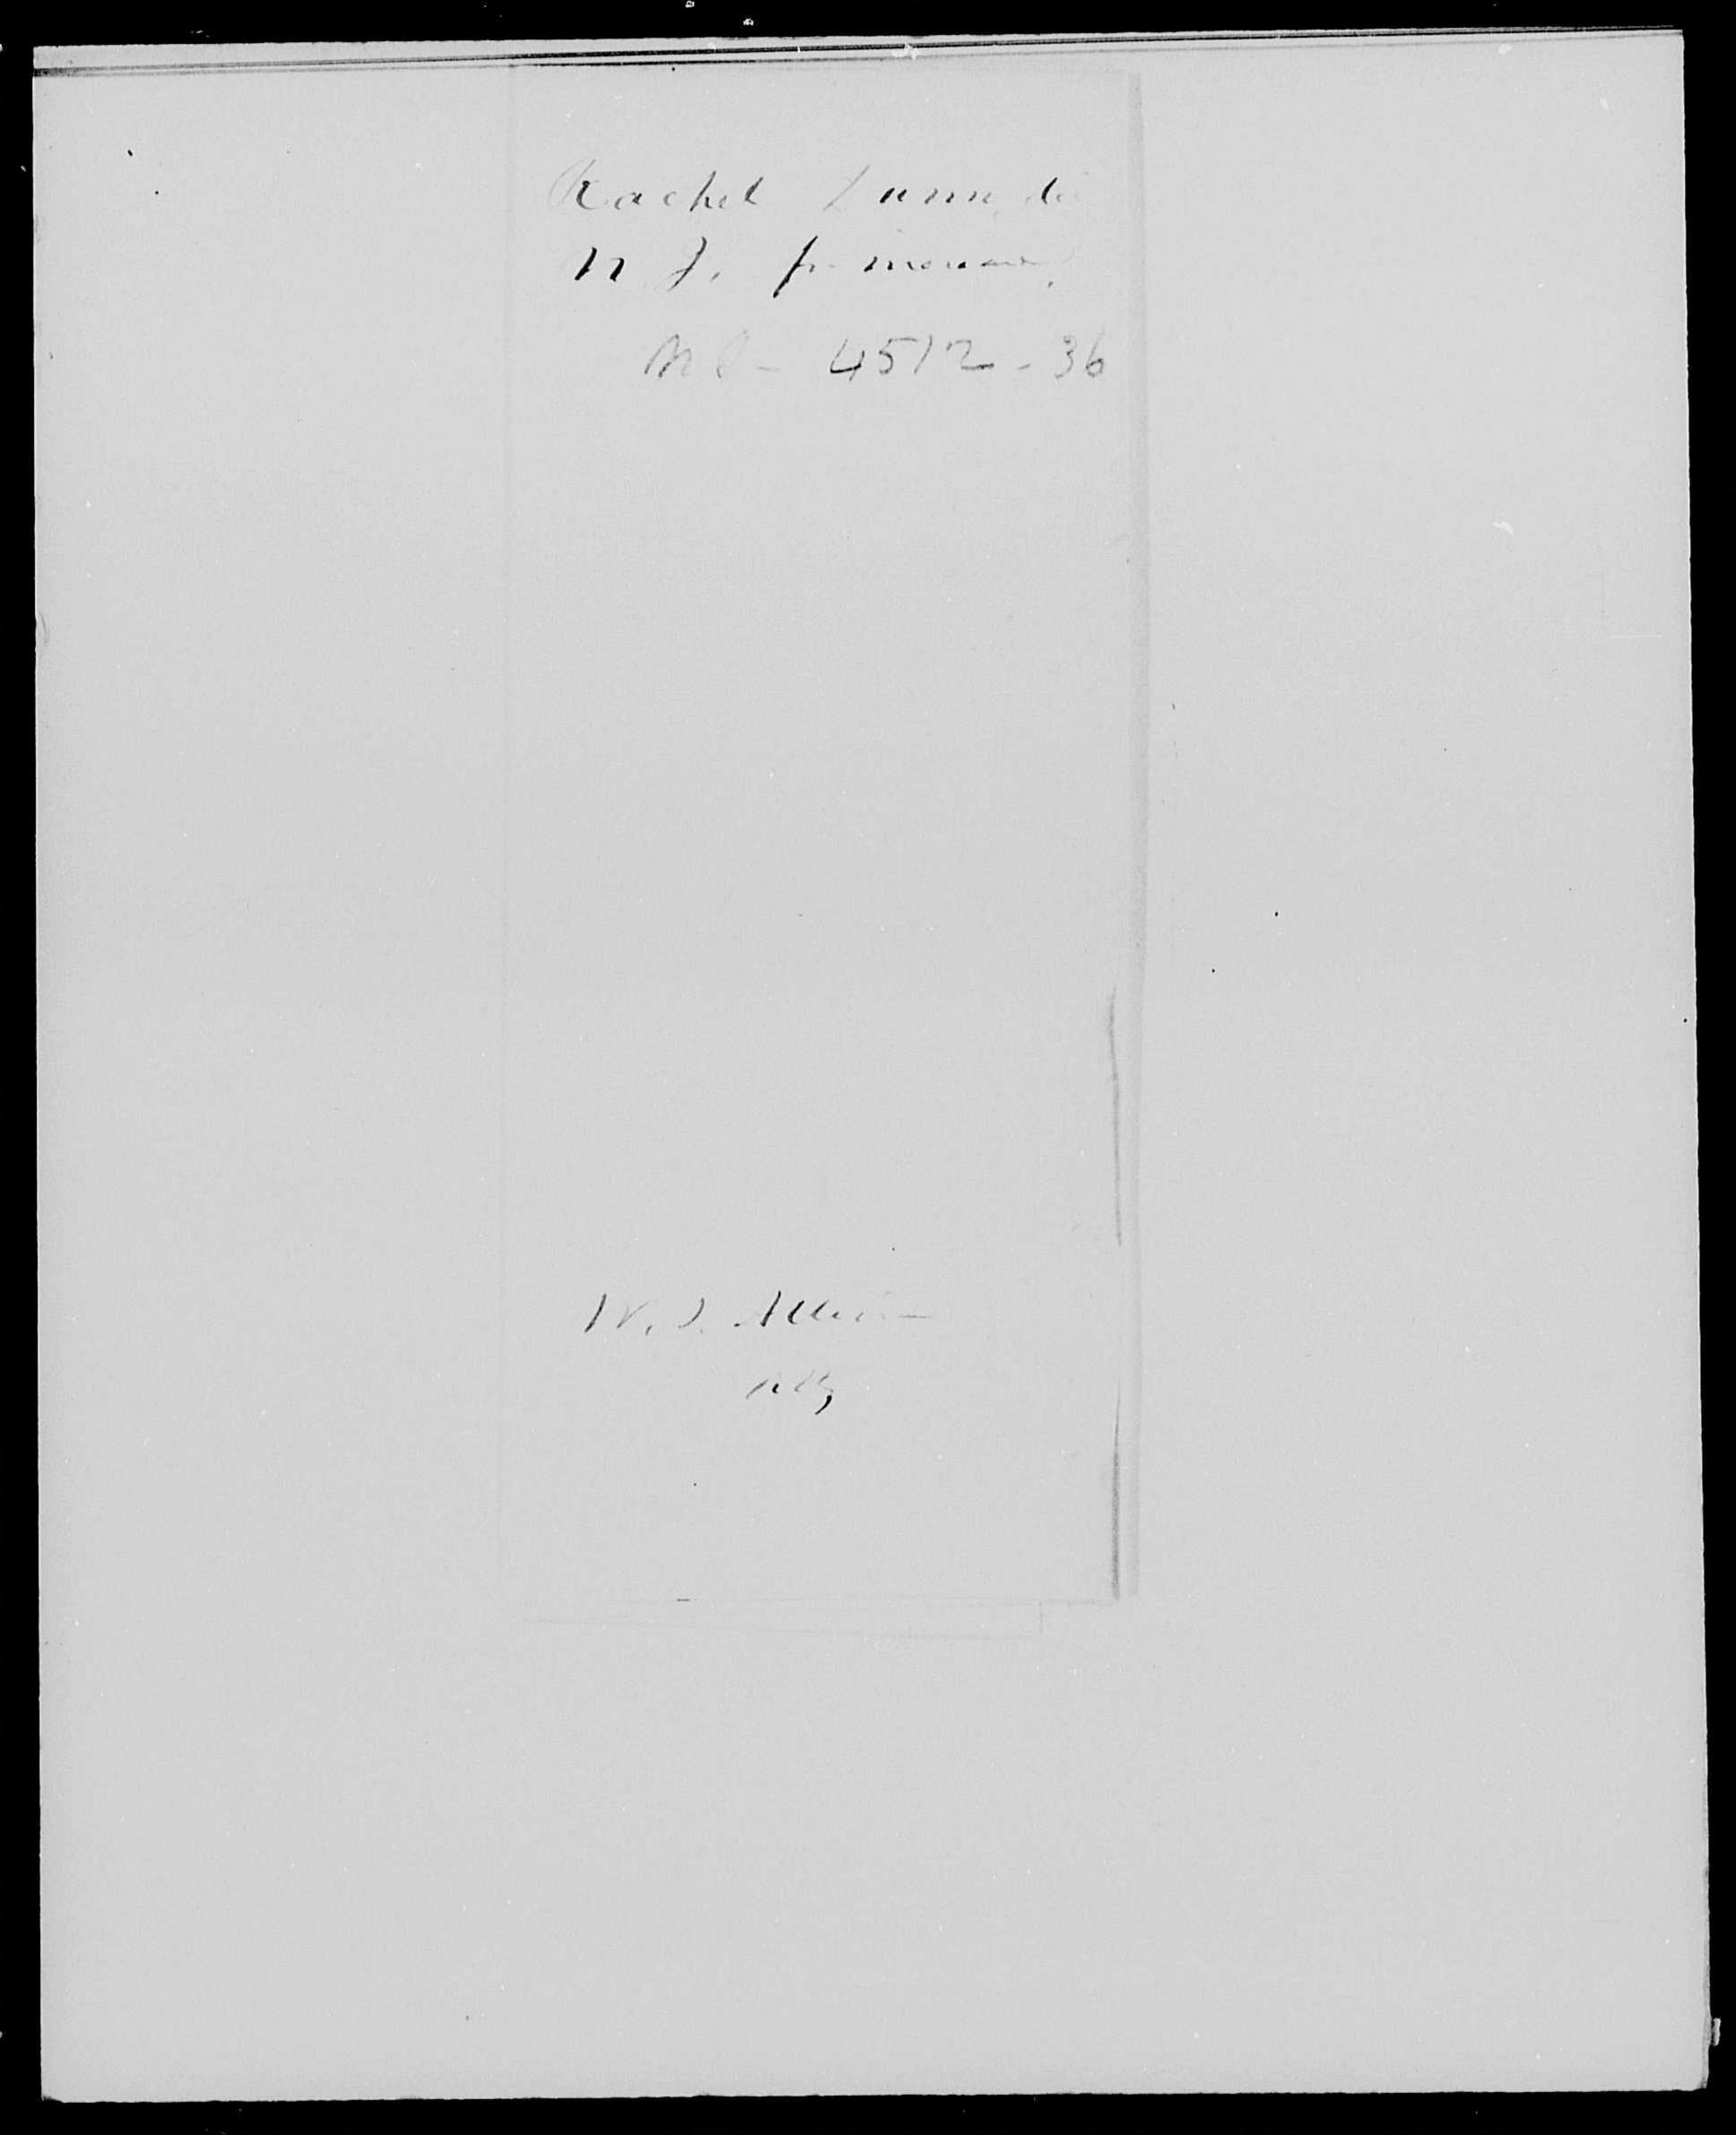Rachel Dunn to
N.J. for increase

NJ - 4512-36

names: Rachel Dunn, W S Allen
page: 19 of 52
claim: widow's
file: W. 919, Joel Dunn, New Jersey